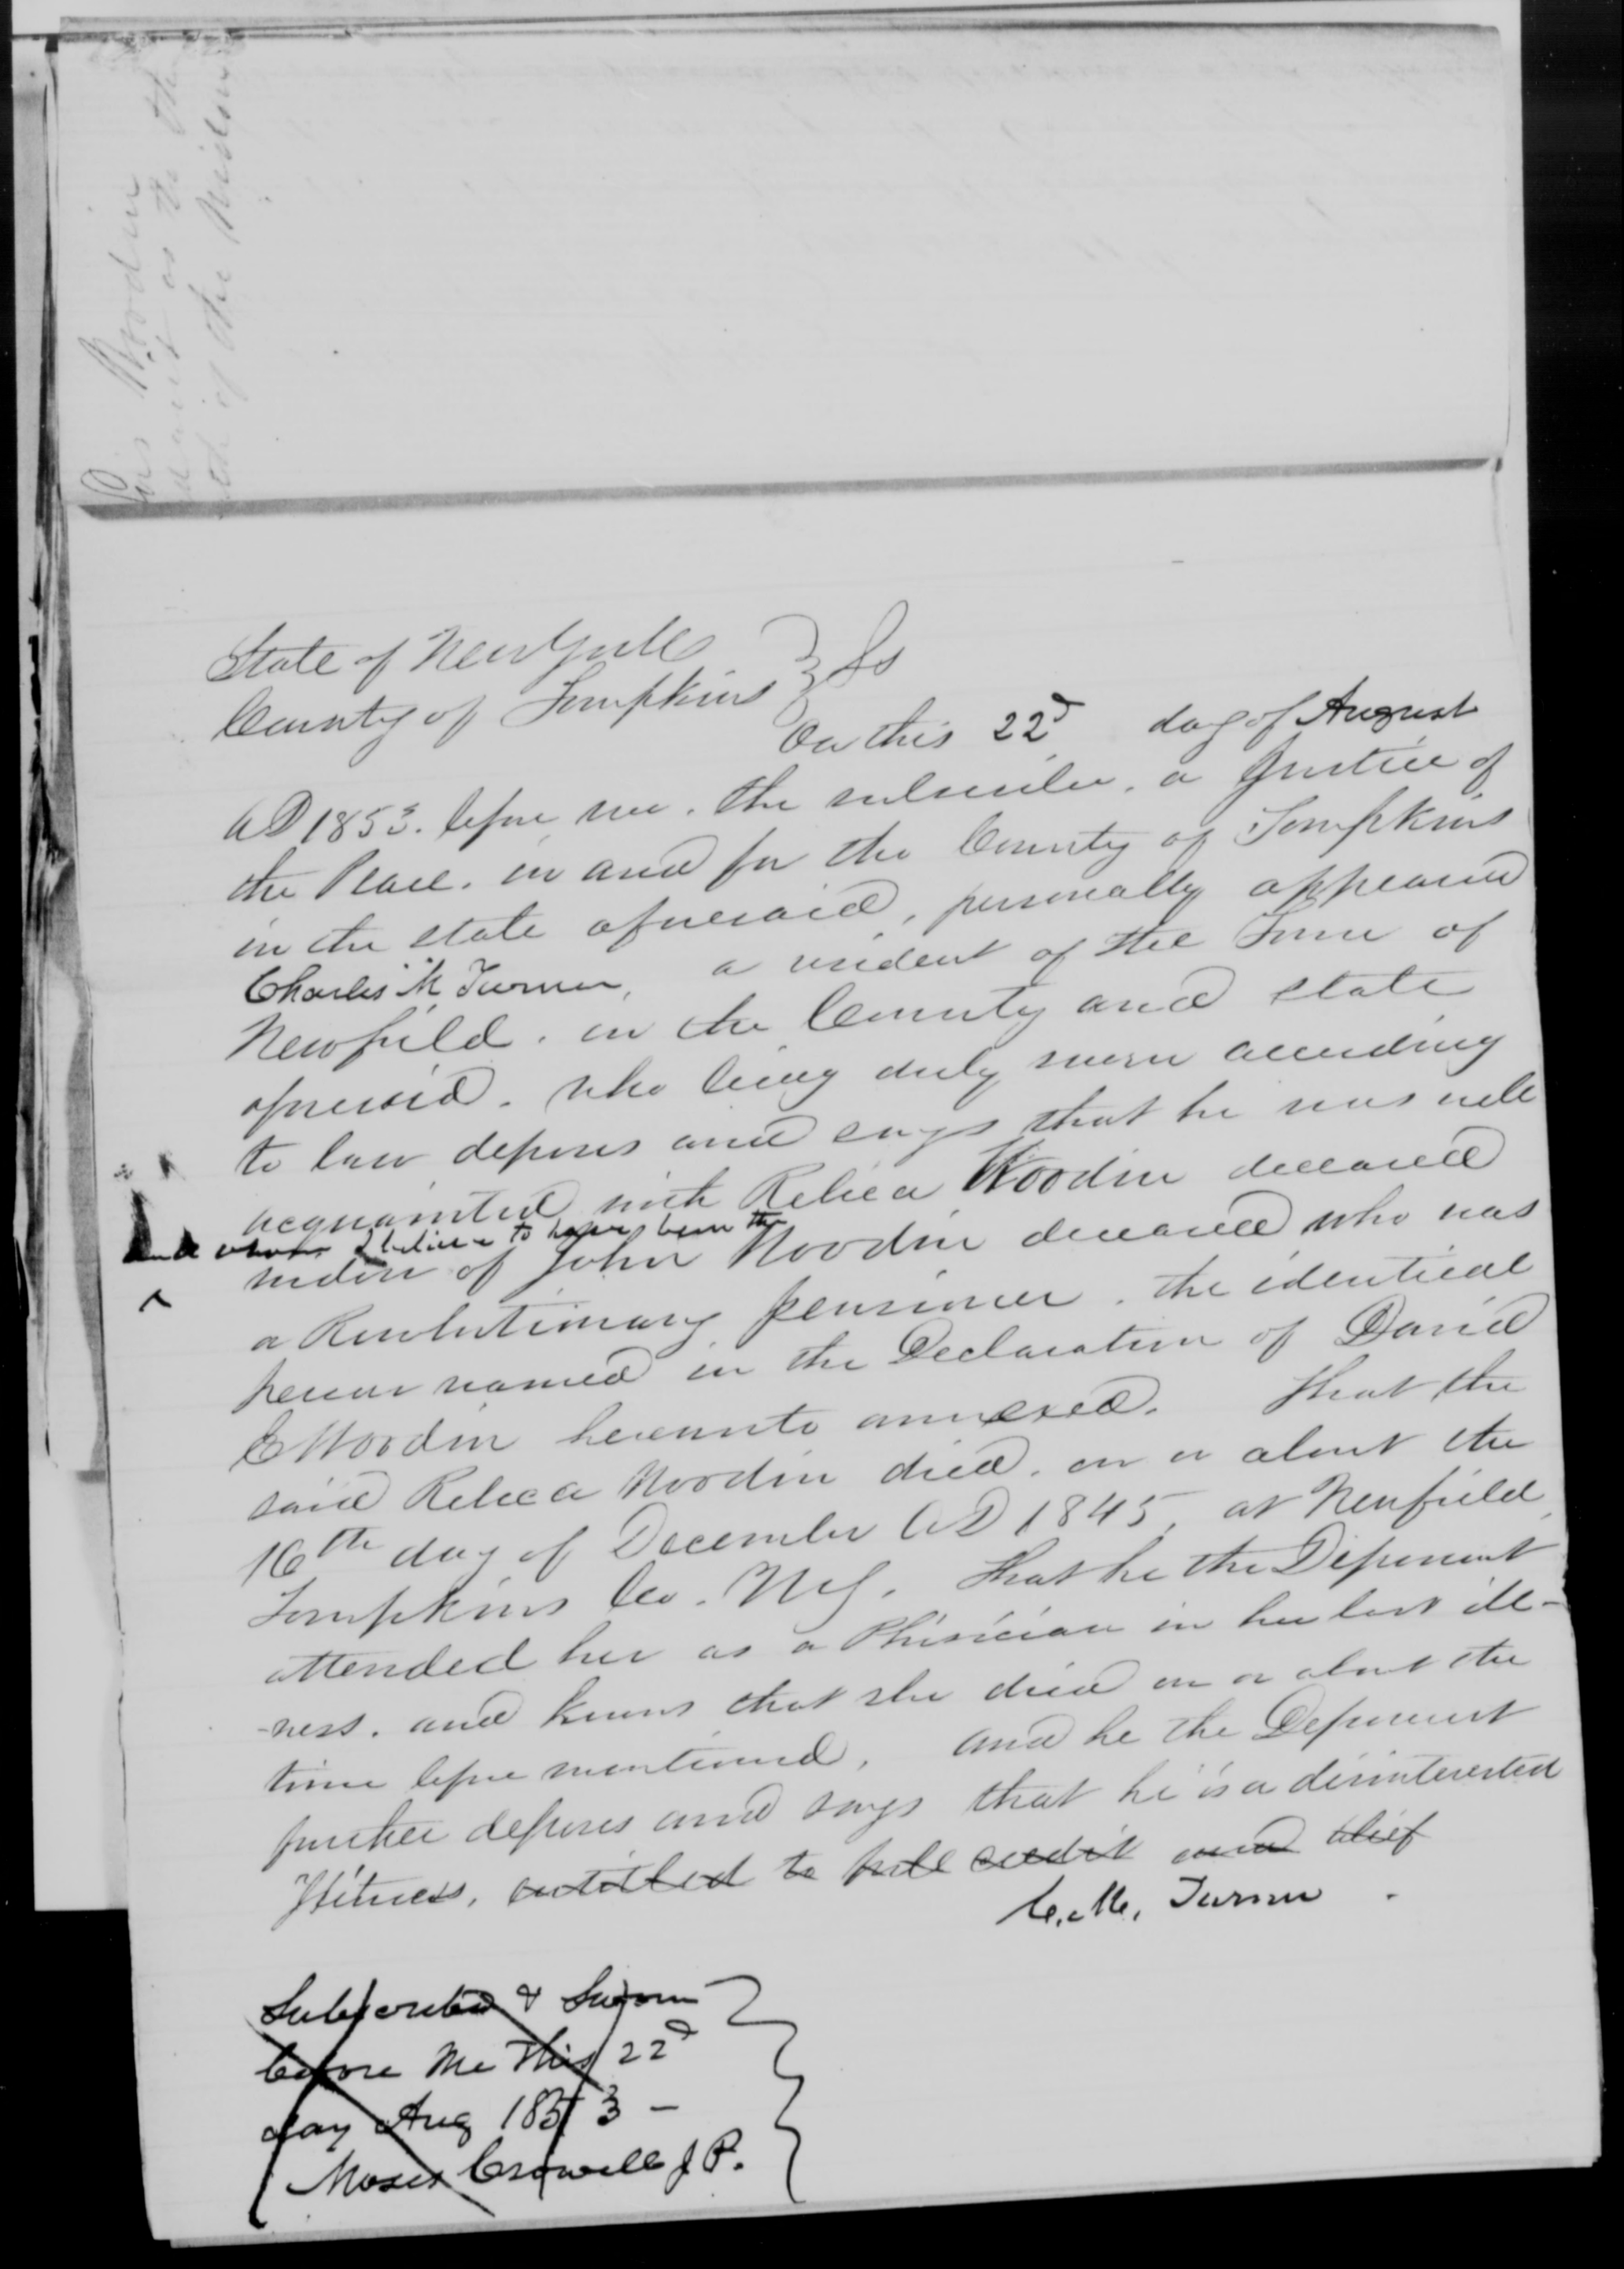State of New York
County of Tompkins Ss  On this 22d day of August AD 1853 before me the, subscriber, a Justice of the Peace in and for the County of Tompkins in the state aforesaid, personally appeared Charles M Turner, a resident of the Town of Newfield, in the County and State aforesaid, who being duly sworn according to law deposes and says that he was well acquainted with Rebeca Woodin deceased whom I believe to have been the widow of John Woodin deceased who was a Revolutionary pensioner, the identical herein named in the Declaration of David E. Woodin hereunto annexed. that the said Rebeca Woodin died on or about the 16th day of December AD 1845, at Newfield Tompkins Co. NY. That he the Deponent attended her as a Phisician in her last illness, and knows that she died on or about the time before mentioned, and he the Deponent further deposes and says that he is a disinterested Witness, [entitled to full credit and belief, crossed out]
[signed] C. M. Turner 
[THE FOLLOWING IS CROSSED OUT
Subscribed & Sworn
before me this 22d 
day Aug 1853 
Moses Crowell J P.]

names: Moses Crowell, John Woodin, C M Turner, David E Woodin, Charles M Turner, Rebeca Woodin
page: 18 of 77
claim: widow's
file: W. 19658, John Woodin, New York